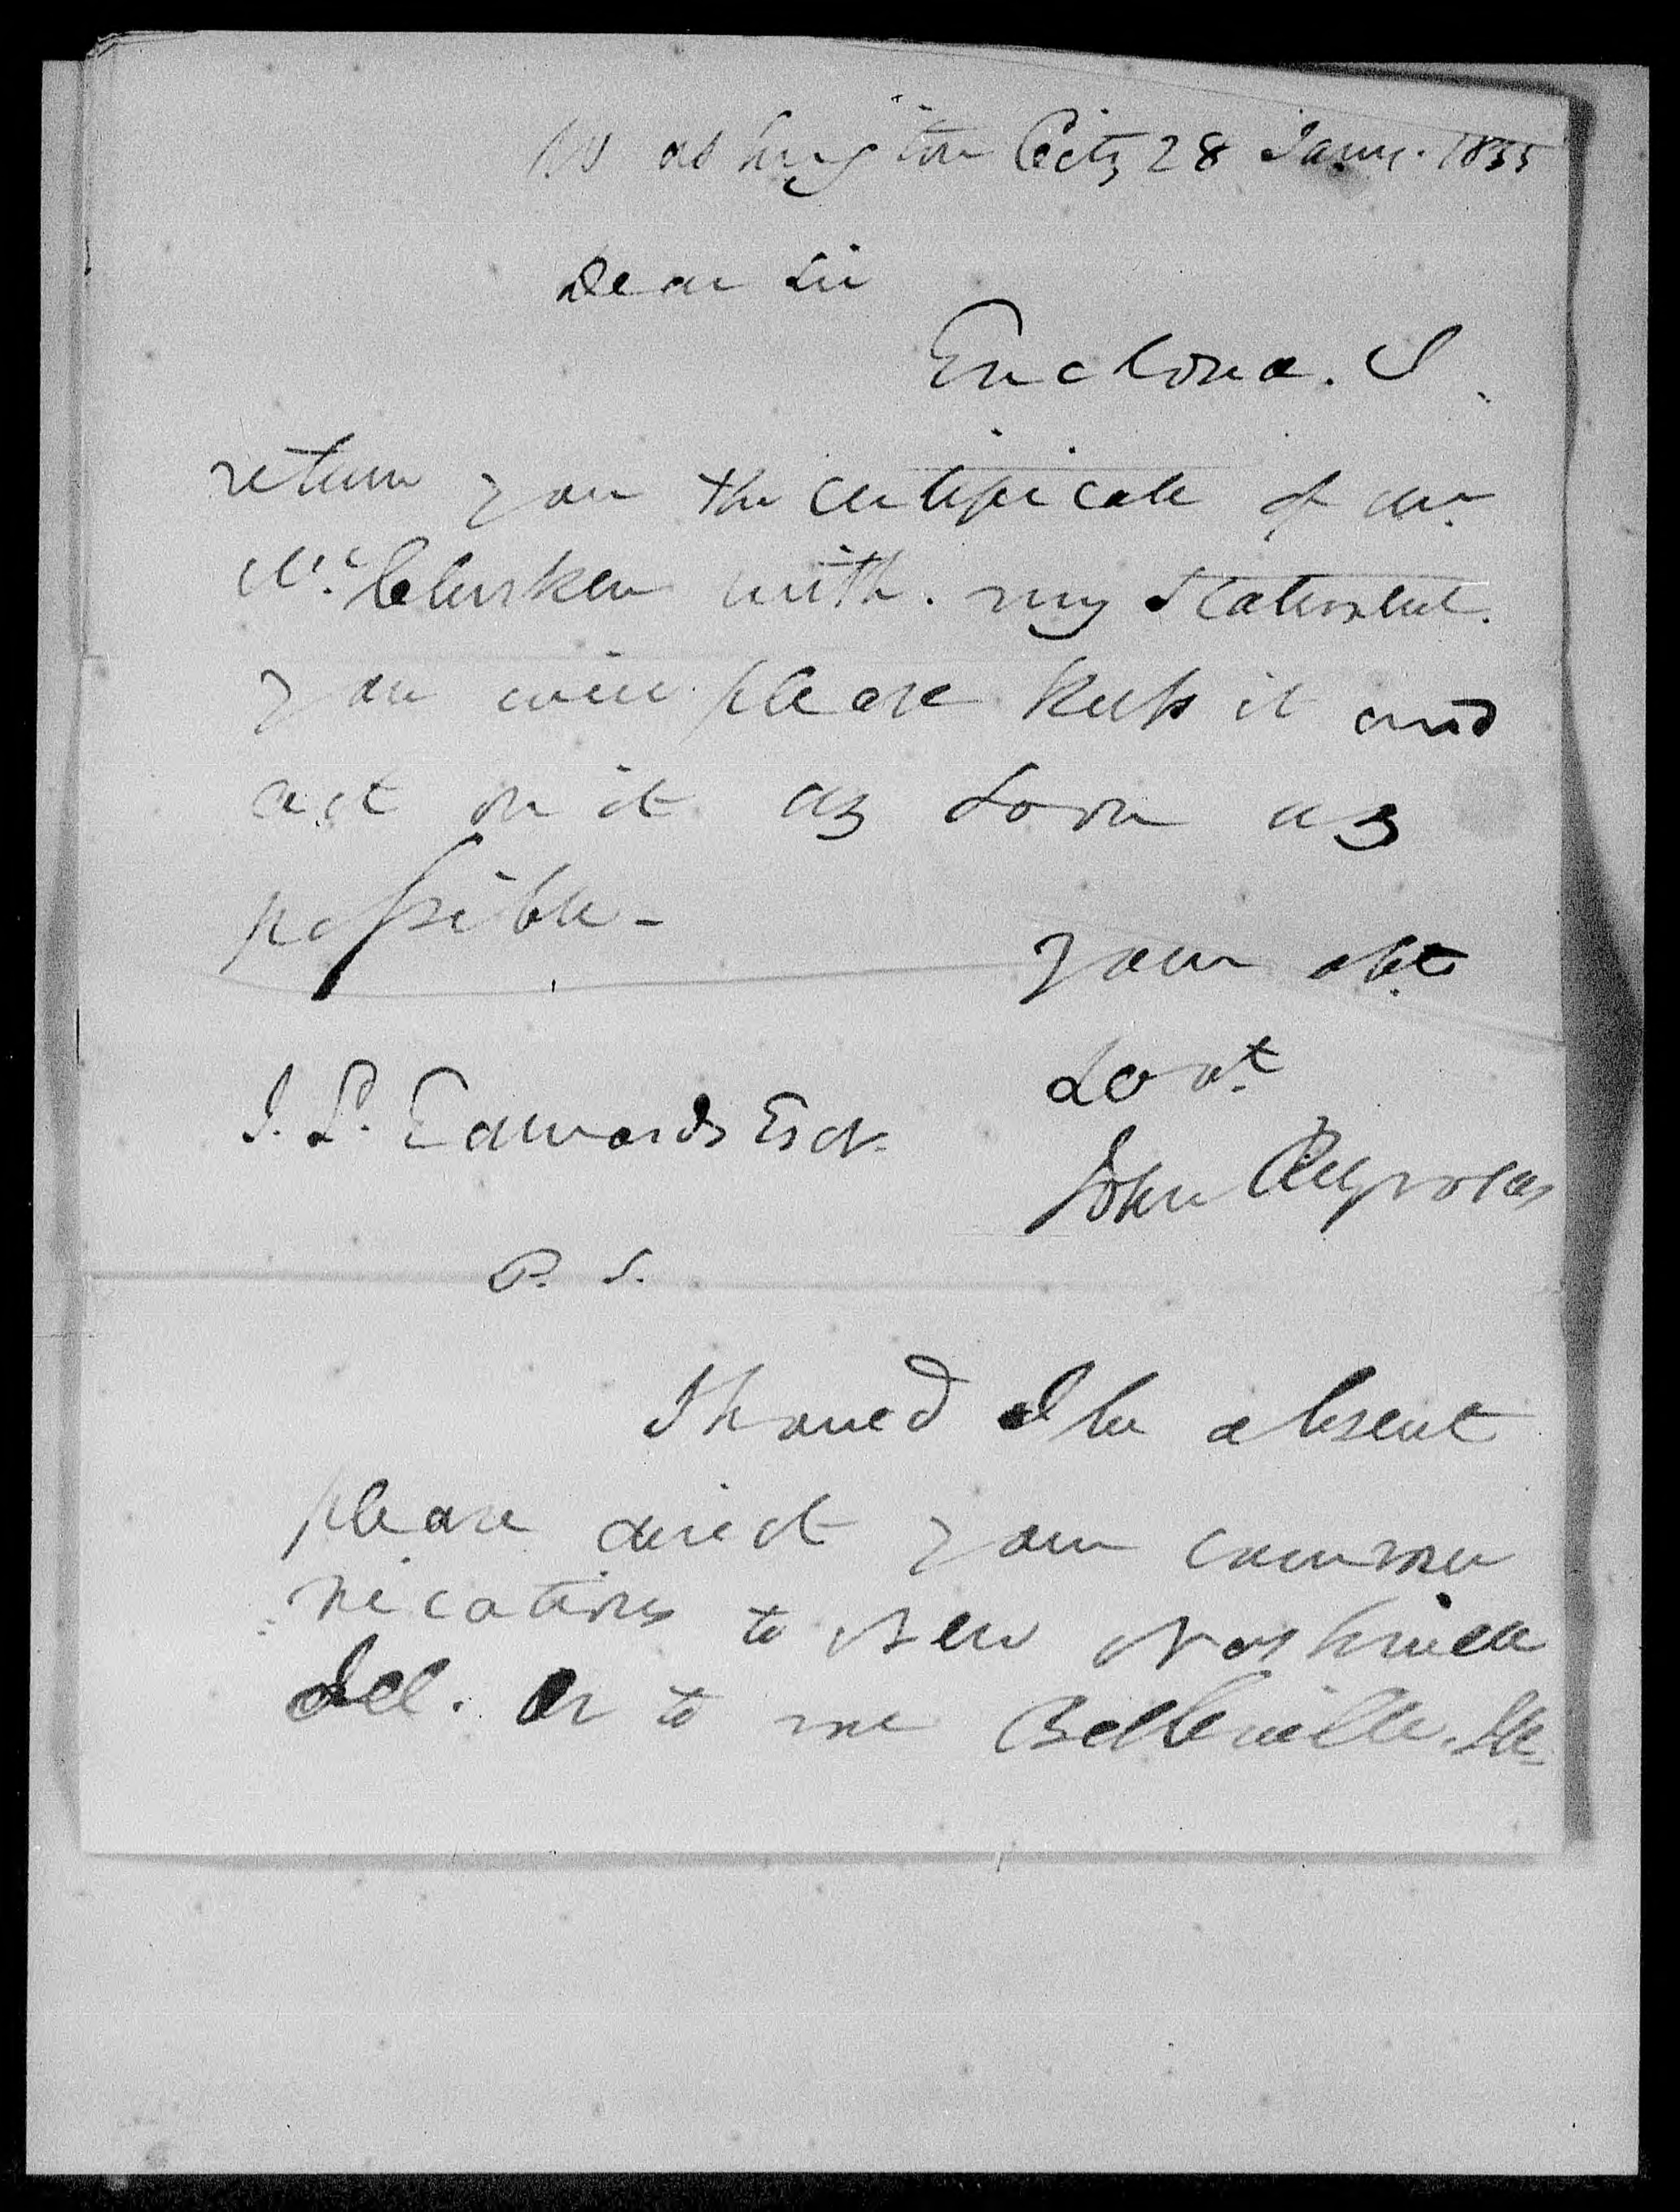Washington City 28 Jany 1835 

Dear Sir 
Enclosed. I return you the certificate of Mr. McClurken with my stationed. 
You will please keep it and act in it as soon as possible.

 I am your obt 
servt
John Reynolds

J. L. Edwards Esq 

P.S. 
Should I be absent please direct your communications to New Nashville Sec. or to me Belleville, Ill. 

 Shaved be absent please direct your comme relating to New shall or to me Belleville,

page: 37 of 93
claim: widow's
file: W. 21792, for Thomas Mc Clurken, South Carolina